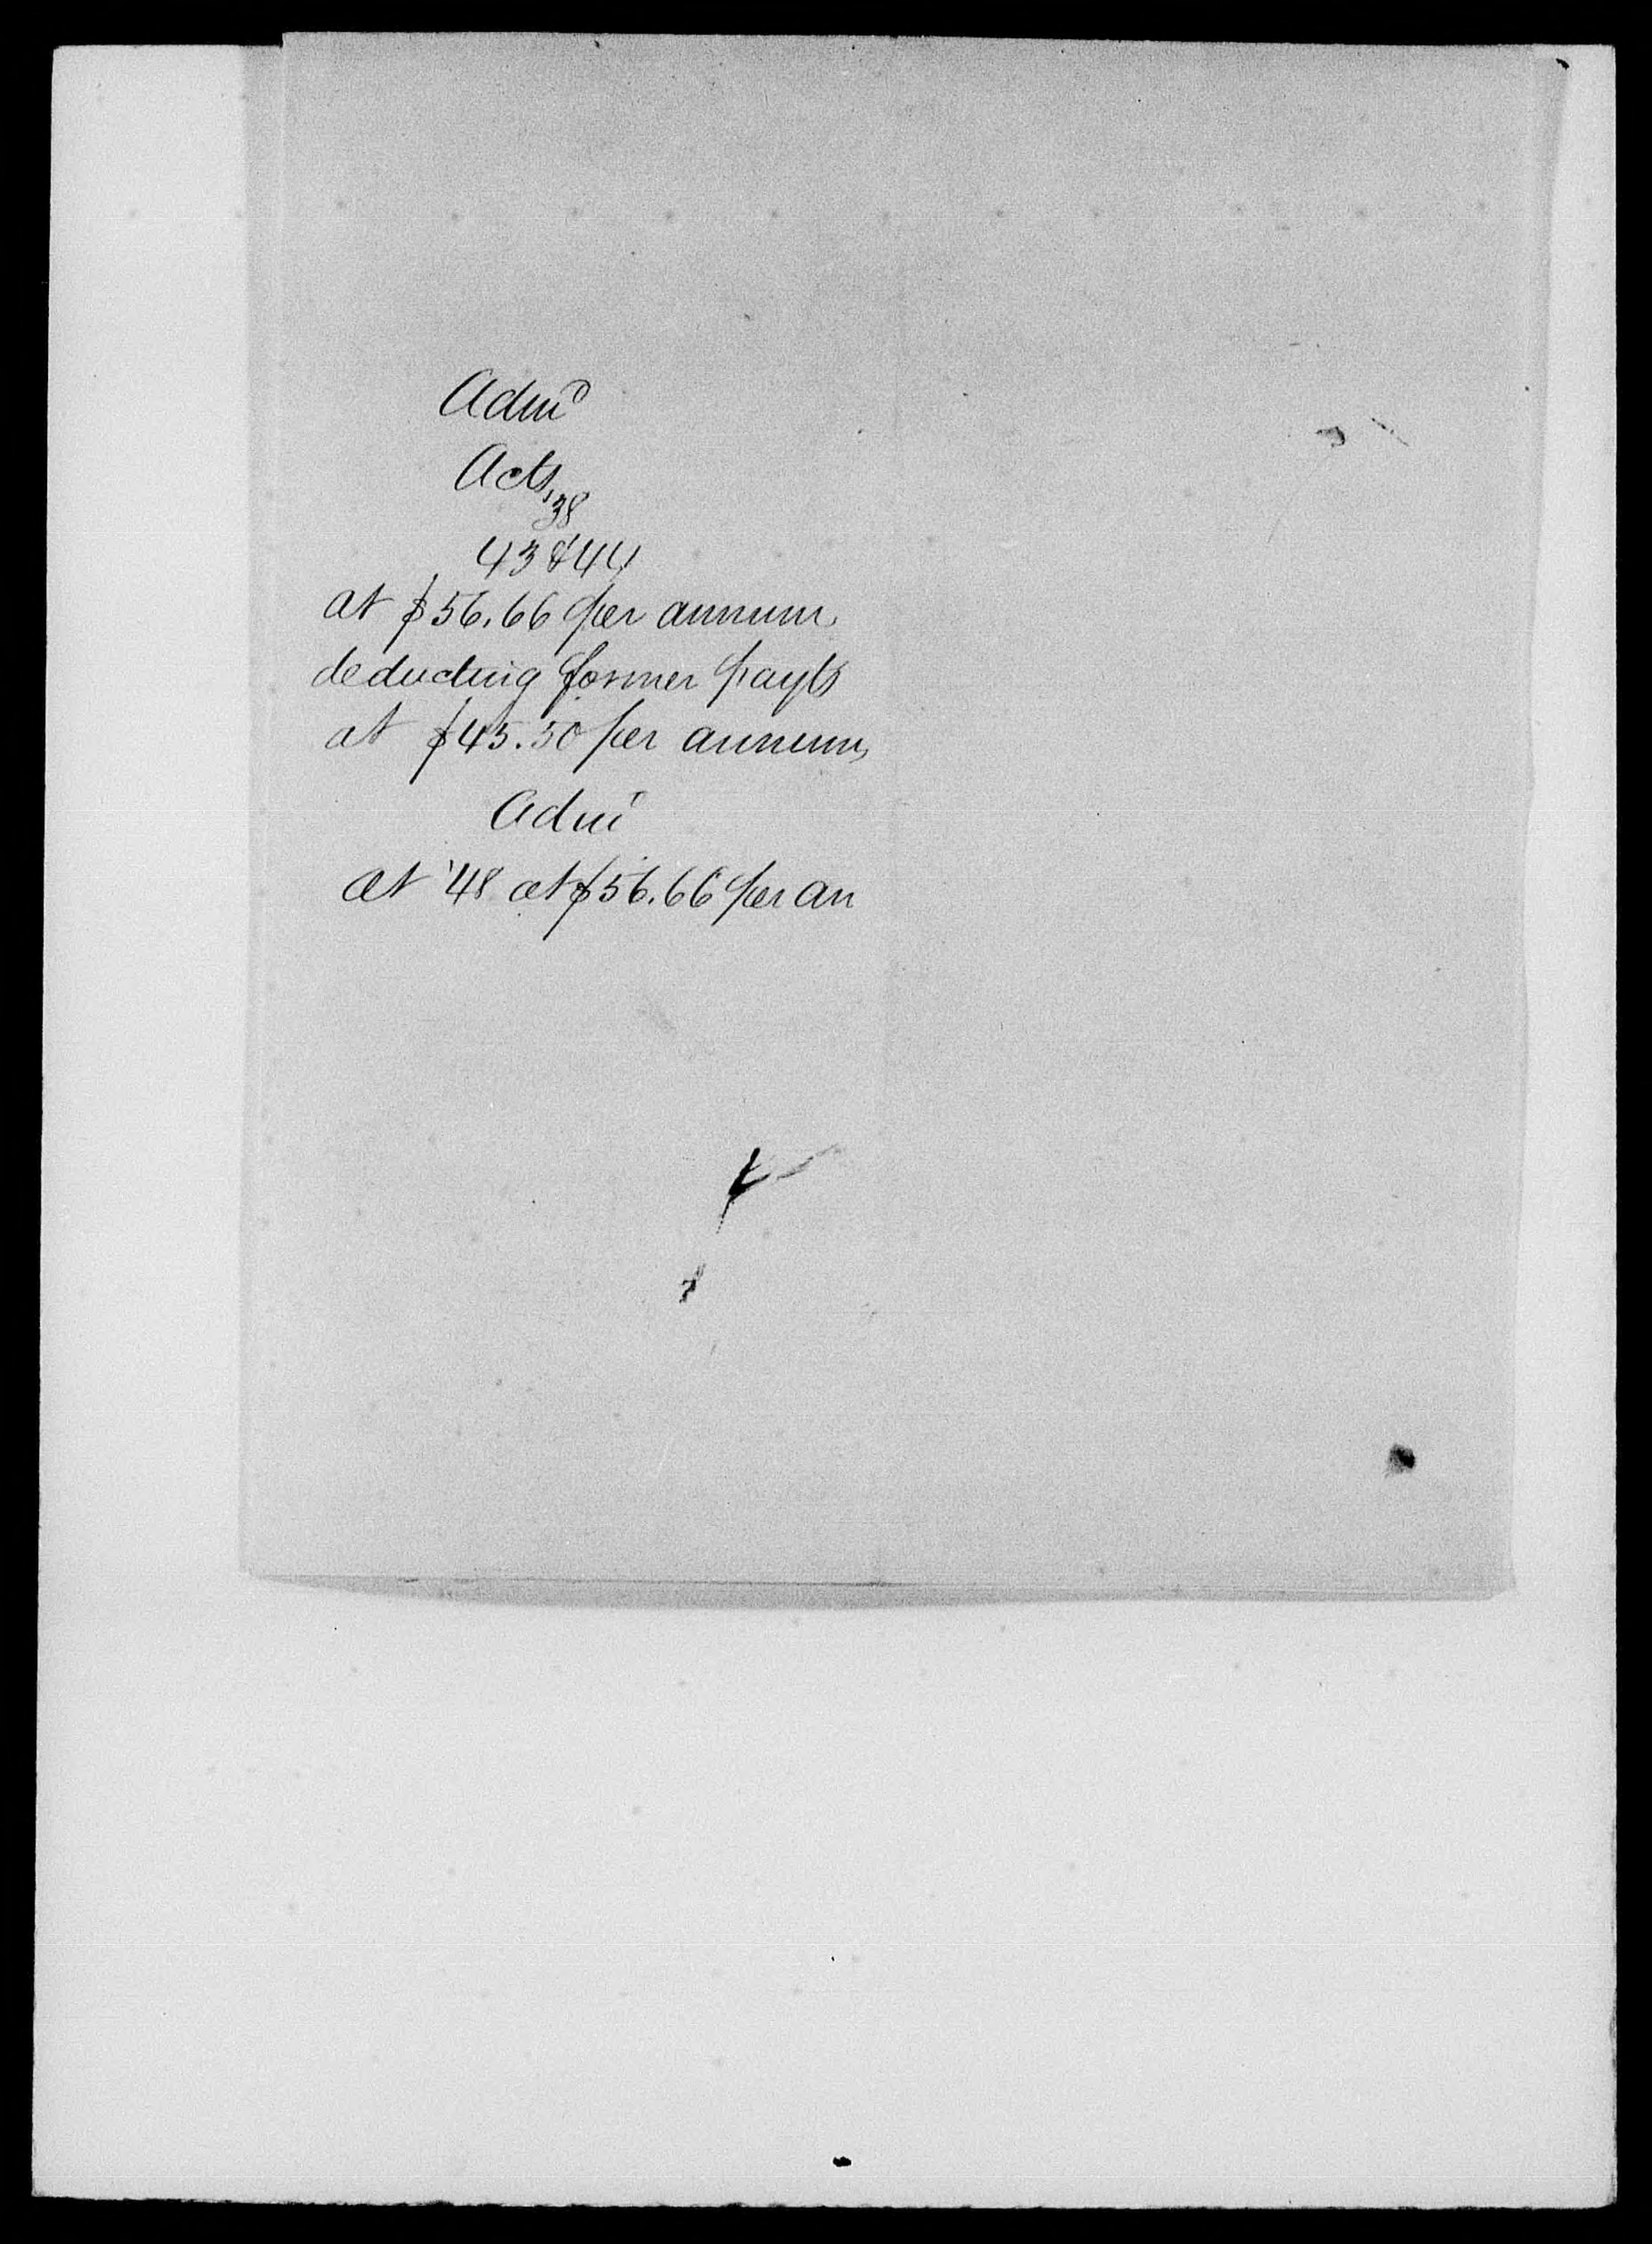Adm d
Acts of '38
43 + 44 at $56.66 per annum deducting former payts at $45.50 per annum
Adm d
as '48 at $56,66 per an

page: 36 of 62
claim: survivor's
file: S. 38816, Benjamin Harris, Mass.